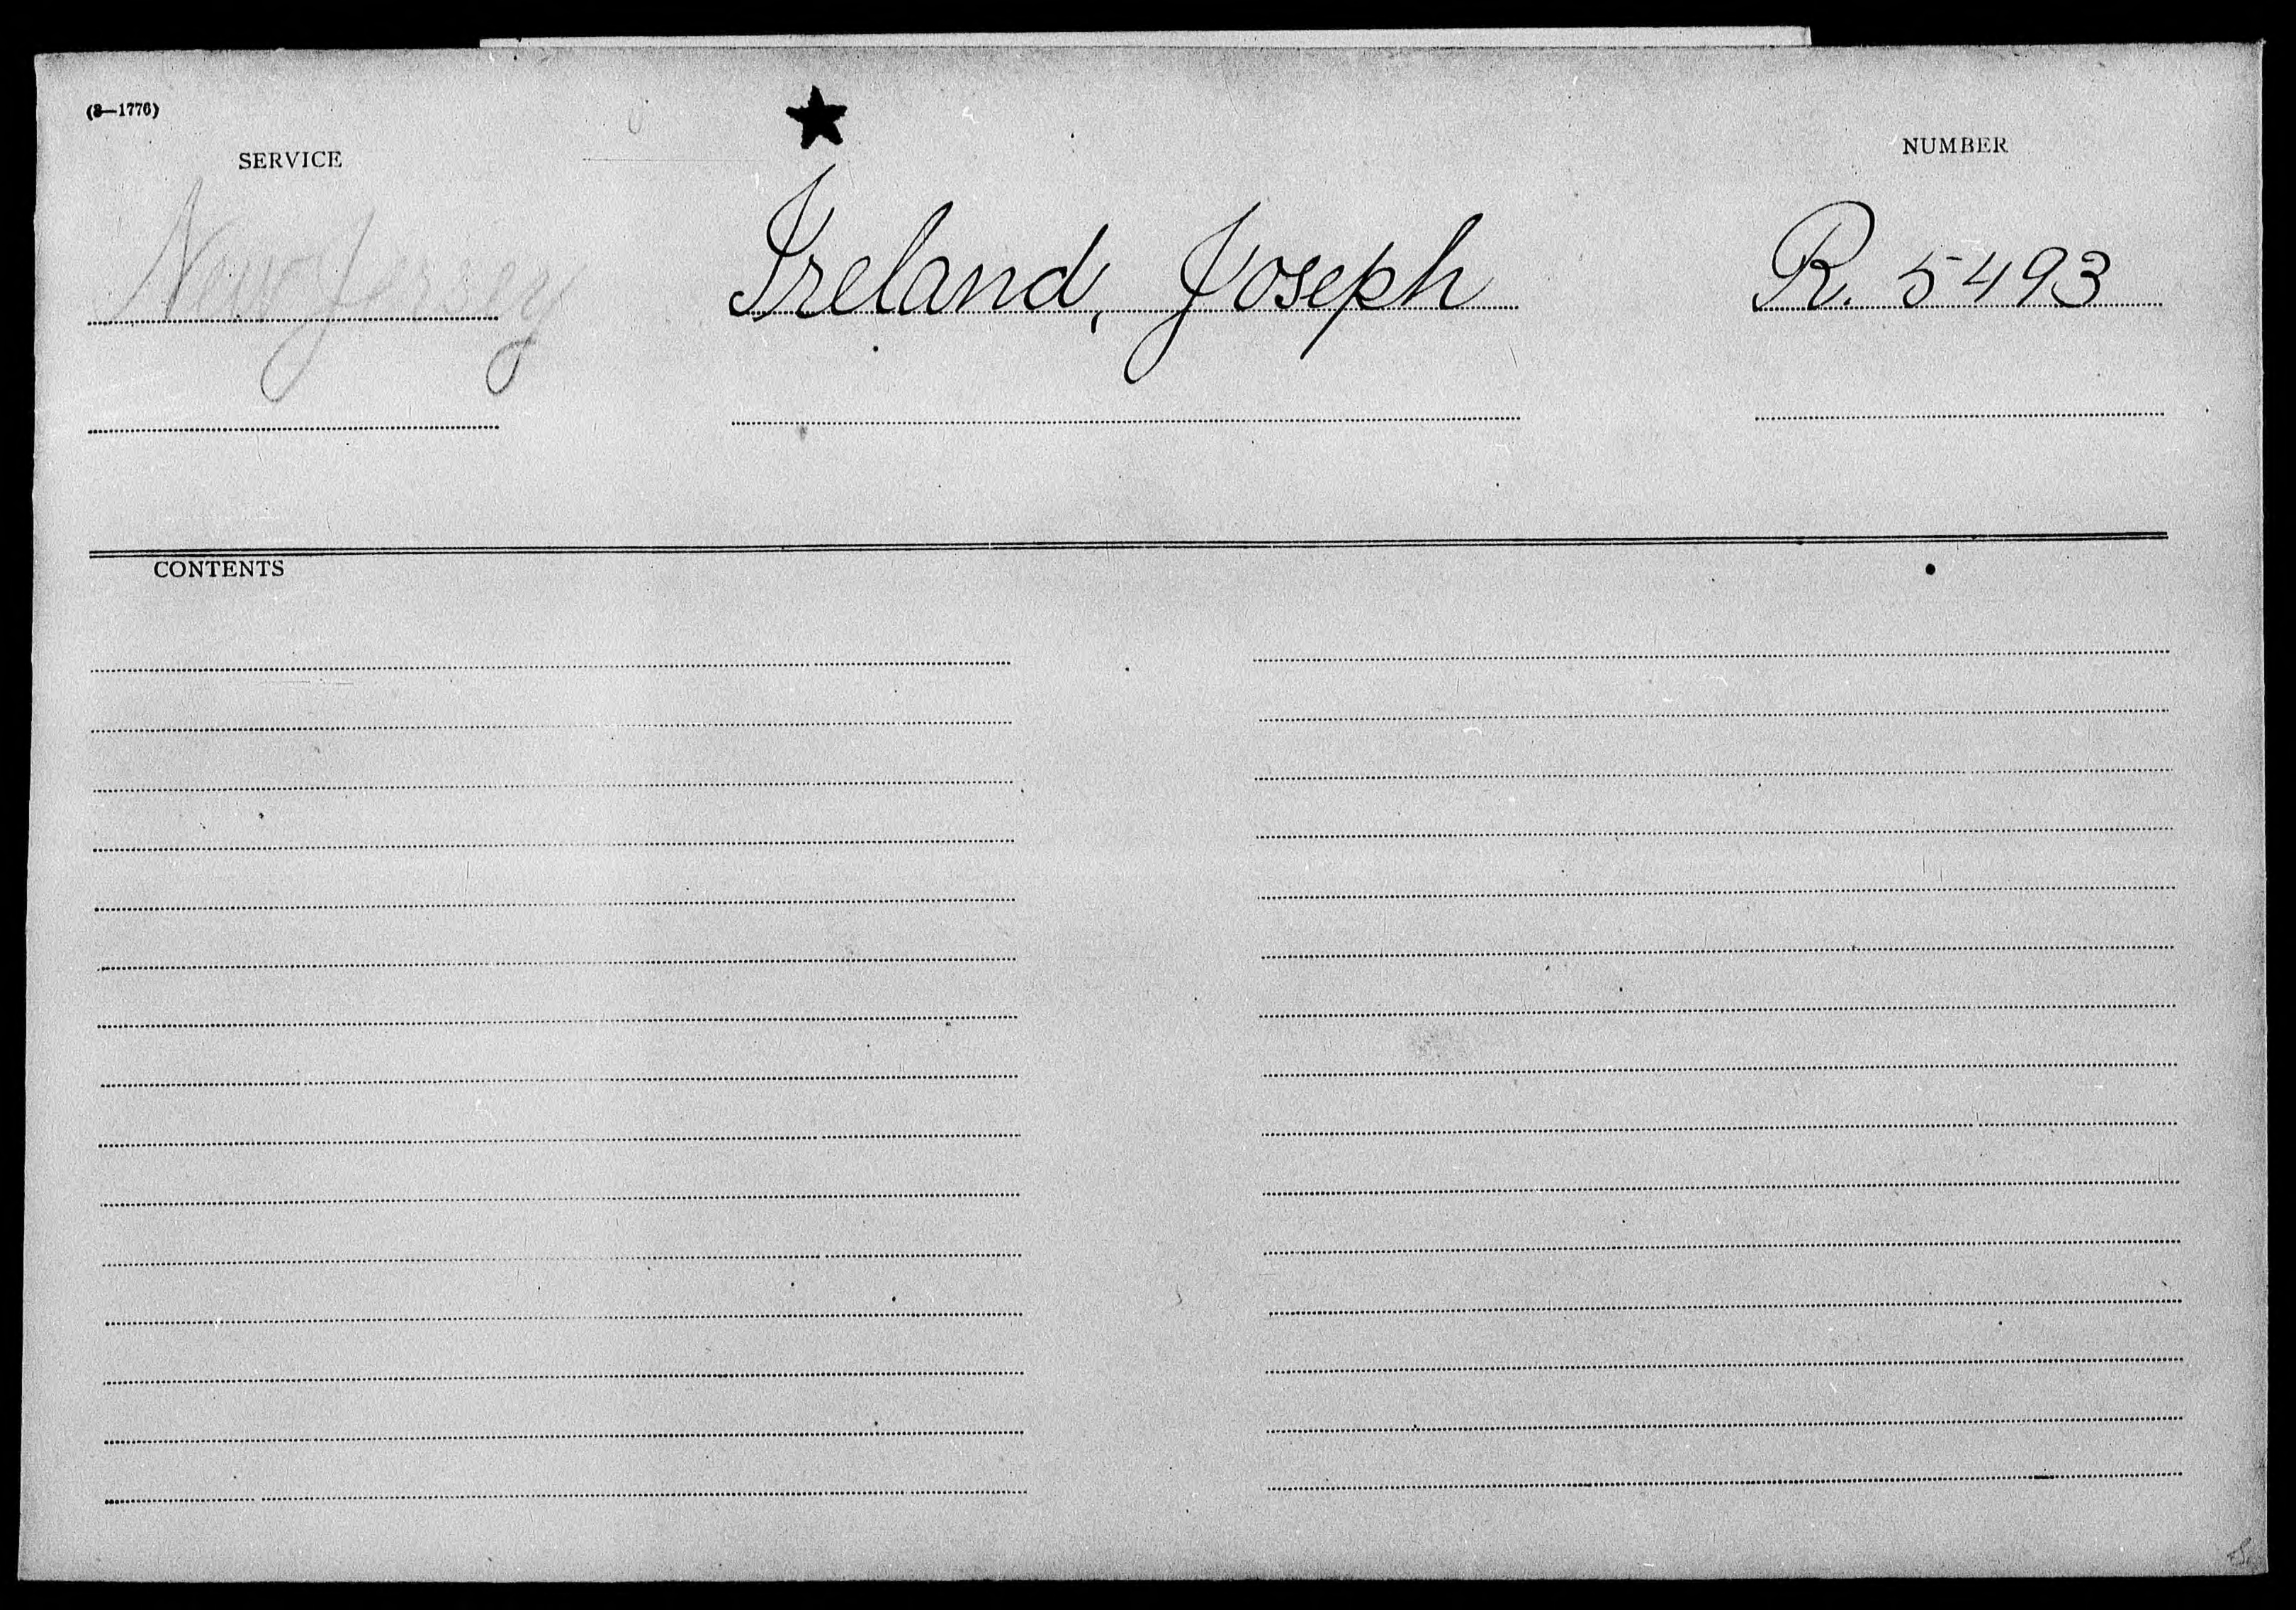Service
New Jersey
Ireland, Joseph
Number R 5493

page: 1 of 6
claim: rejected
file: R. 5493, for Joseph Ireland, New Jersey